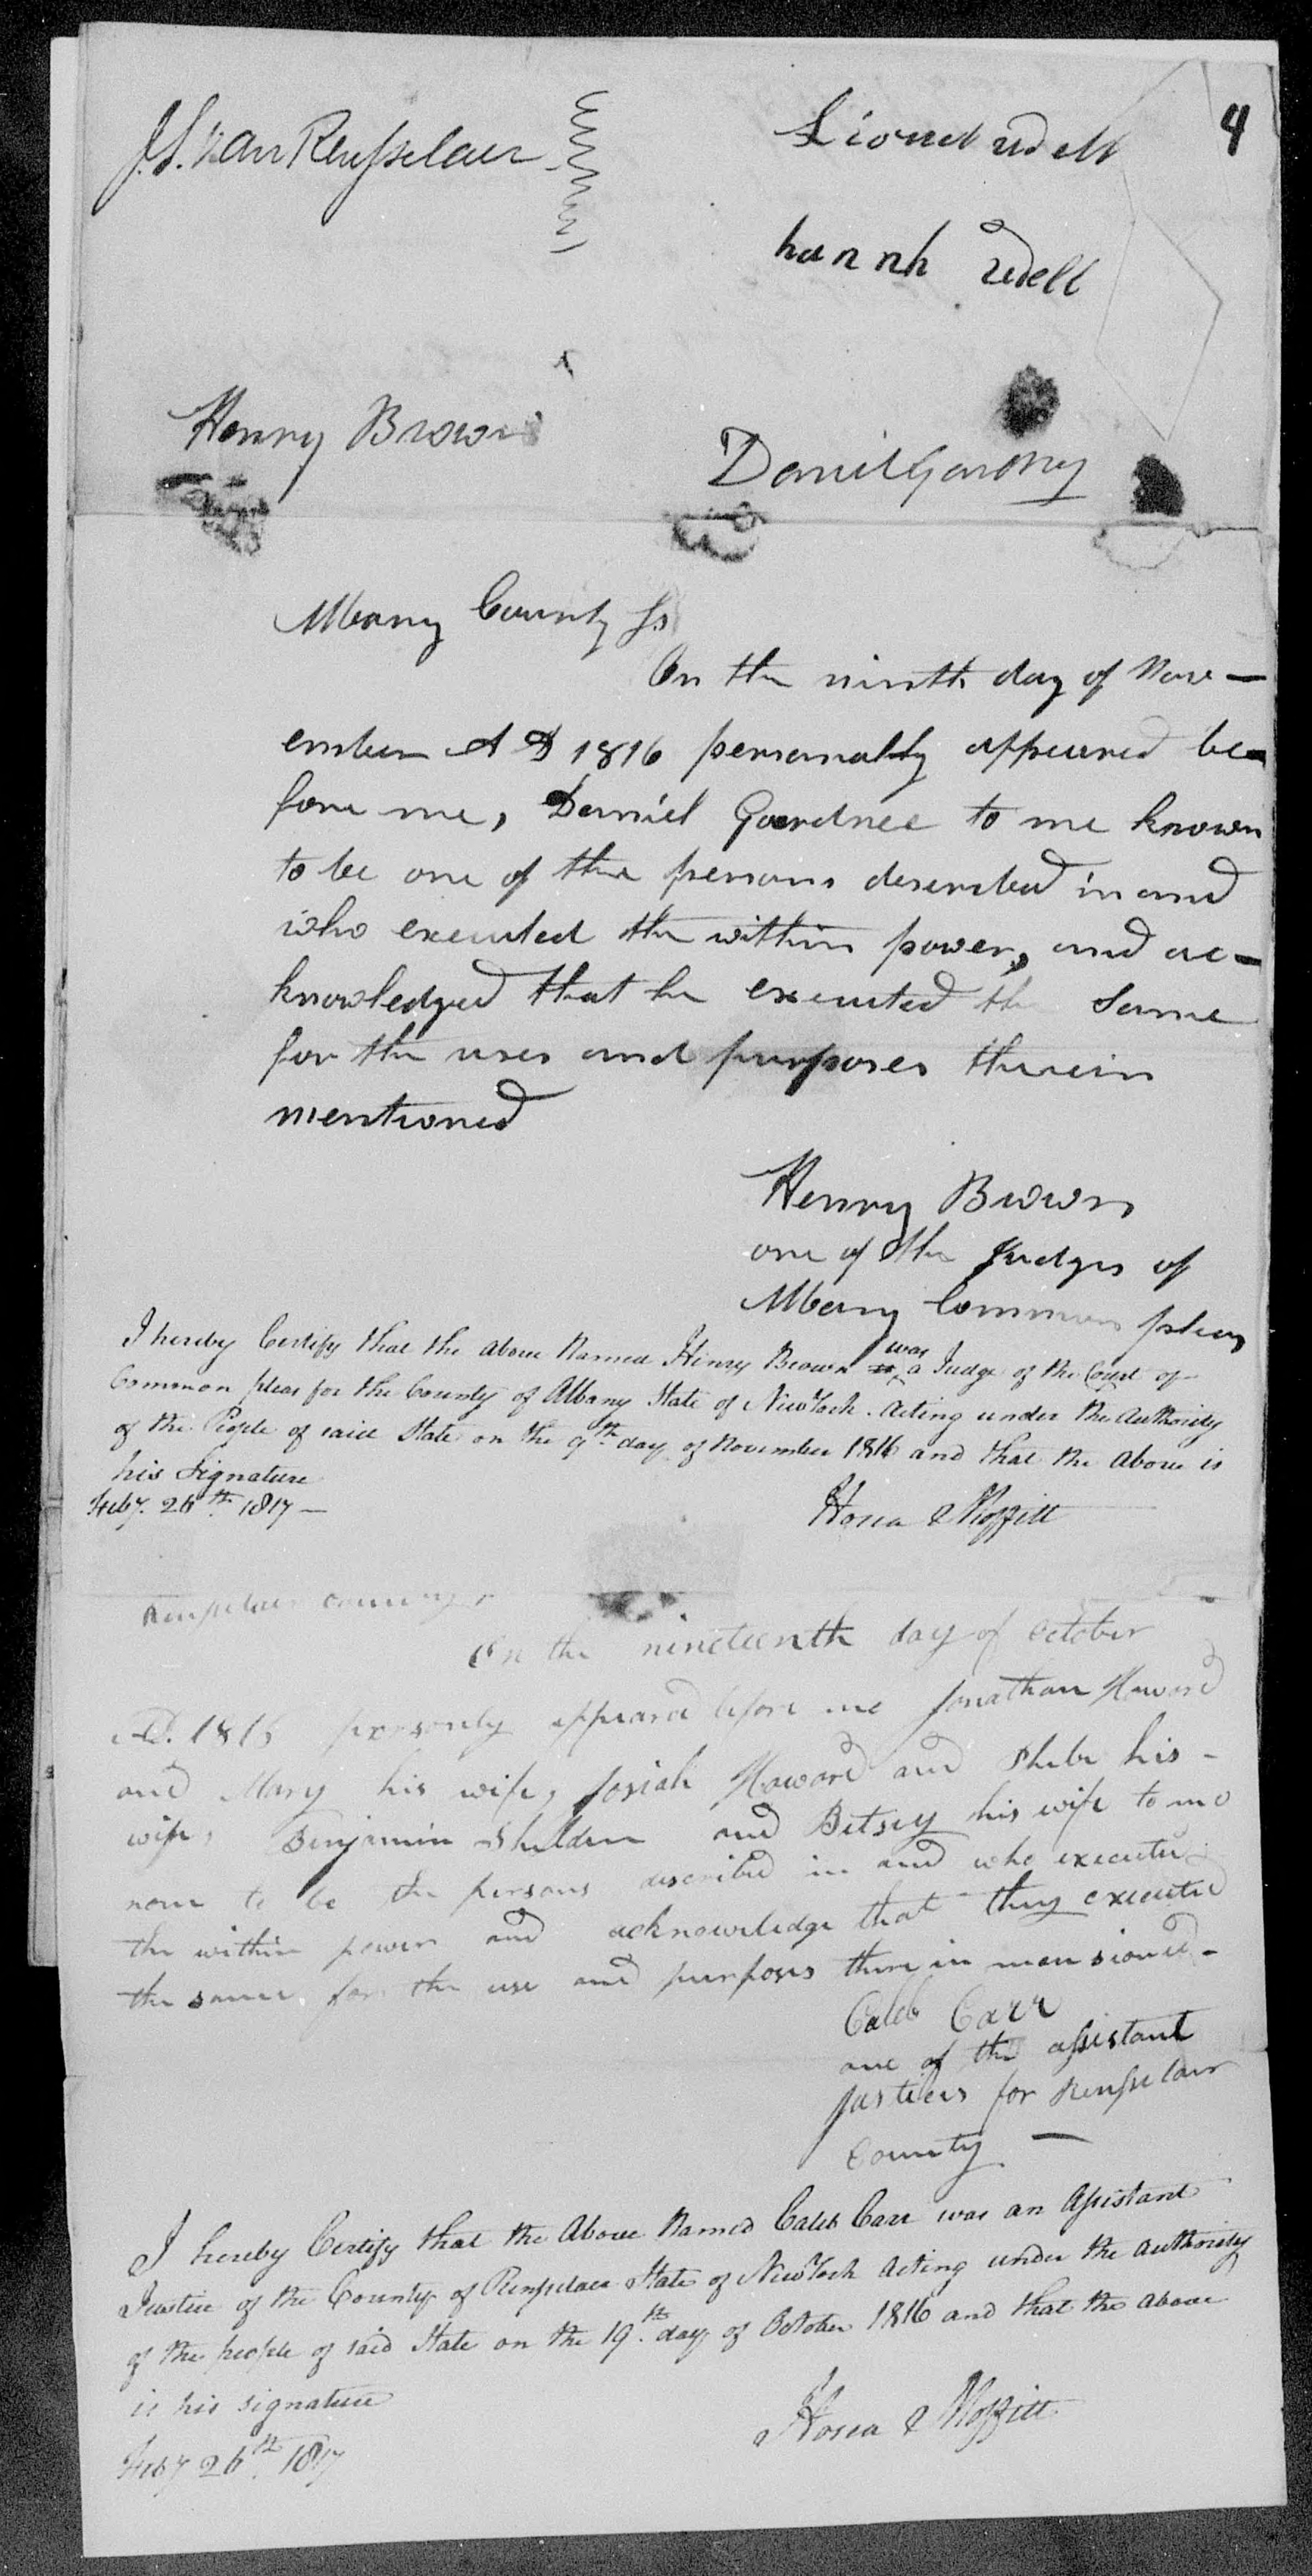J. S. Van Rensselaer 
Lionel Udell
Hannh Udell
Henry Brown 
Daniel Gardner

Albany County ss.
On the ninth day of November AD 1816 personally appeared before me, Daniel Gardner to me known to be one of the persons described in and who executed the within power, and acknowledged that he executed the same for the uses and purposes therein mentioned 
[signed] Henry Brown one of the Judges of Albany Common pleas 

I Certify that the above named Henry Brown was a Judge of the Court of Common pleas for the County of Albany State of New York. Acting under the authority of the People of said State on the 9th day of November 1816 and that the above is his Signature 
Feby 26th 1817 -
[signed] Hosea Moffitt 

Rensselaer County
On the nineteenth day of October 1816 personly appeared before me Jonathan Howard and Mary his wife, Josiah Howard and Phebe his wife, Benjamin Shelden and Betsey his wife to me now to be the persons described in and who executed the within power and acknowledge that they executed the same for the use and purposes therein mentioned
[signed] Caleb Carr one of the assistant Justices for Rensselaer County –

I hereby Certify that the above named Caleb Carr was an Assistant Justice of the County of Rensselaer State of New York acting under the authority of the people of said State on the 19th day of October 1816 and that the above is his signature 
Feby 26th 1817 
[signed] Hosea Moffitt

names: J S Van Rensselaer, Jonathan Howard, Caleb Carr, Betsey, Danil Gardner, Hosea Moffitt, Josiah Howard, Henry Brown, Hannh Udell, Benjamin Shelden, Phebe, Henry Brown, Henry Brown, Lionel Udell, Hosea Moffitt, Caleb Carr, Daniel Gardner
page: 6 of 18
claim: bounty land warrant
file: B. L. Wt. 668-200, James Gardner, Continental Artillery Parents Of N.Y.